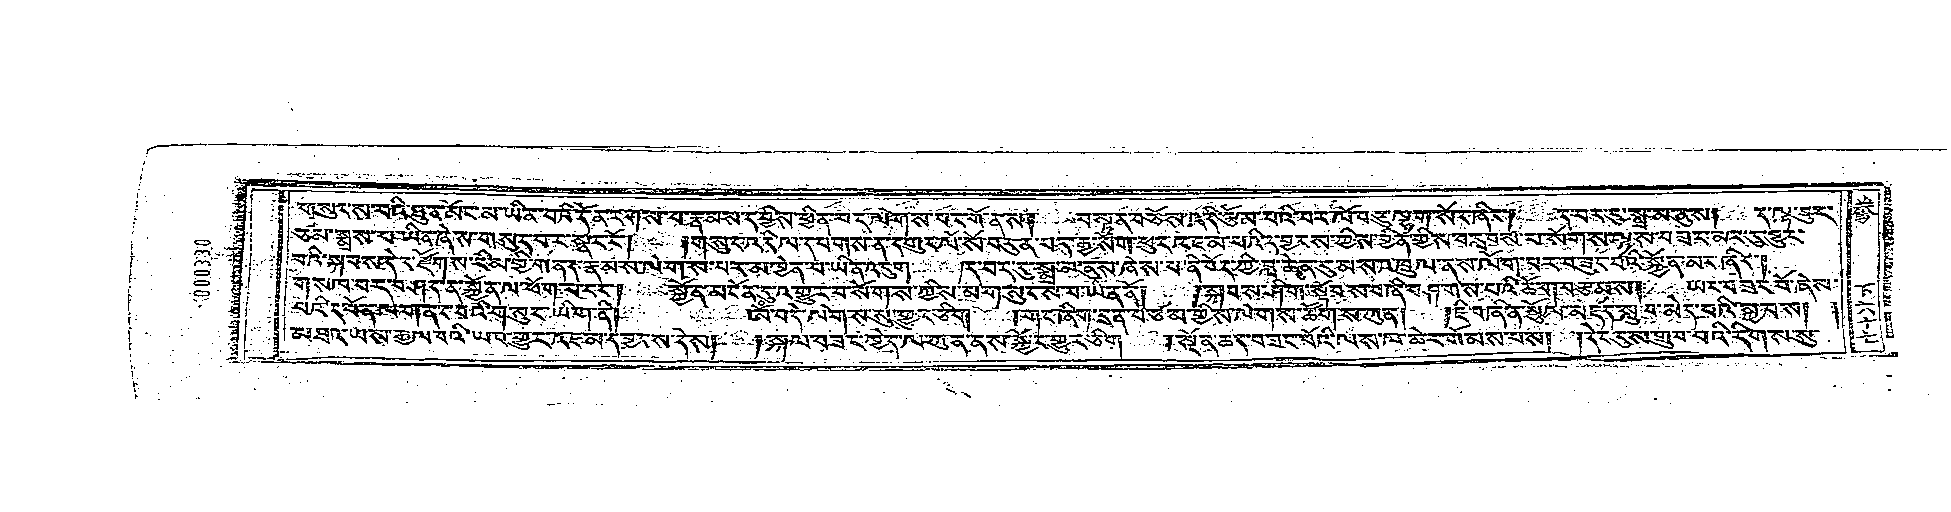གསུངས་བའི་ཐུན་མོང་མ་ཡིན་བའི་དོན་རགས་པ་རྣམས་དབྱིས་ཕྱིན་པར་ལེགས་པར་གོ་ནས། བསྟན་བཅོས་འདི་རྩོམ་པའི་བར་ལོ་བཅུ་ལྷག་སོང་ཞིང་། ད་བར་དུ་སྨྲ་མ་ནུས། ད་ལྟ་ཟུར་
ཙམ་སྨྲས་པ་ཡིན་ཞེས་གསུང་བར་སྣང་ངོ། །གསུང་འདི་ལ་དཔགས་ན་དགུང་ལོ་སོ་བདུན་པར་རྒྱ་སོགས་ཕུར་འཇམ་པའི་དབྱངས་ཀྱིས་བྱིན་གྱིས་བརླབས་པ་སོགས་ལྟས་བཟང་མང་དུ་བྱུང་
བའི་སྐབས་དེར་རྫོགས་རིམ་གྱི་གནད་རྣམས་ལེགས་པར་མཁྱེན་པ་ཡིན་འདུག །ད་བར་དུ་སྨྲ་མ་ནུས་ཞེས་པ་ནི་བོད་ཀྱི་བླ་ཆེན་དུམས་འཁྲུལ་ནས་ལོག་པར་བཟུང་བའི་སྐྱོན་མང་ཞིང་།
གསལ་བར་བཤད་ན་སྐྱོན་ལ་ཕོག་པ་དང་། སྐྱོན་མངོན་དུ་འགྱུར་བ་སོགས་ཀྱིས་མ་གསུངས་པ་ཡིན་ནོ། །སྐབས་ཤིག་སྟོབས་བཞི་བཤགས་པའི་ཆོག་བརྩམས། ཡང་བཟང་བོ་ཞེས་
པའི་དཔོན་ལ་གནང་བའི་གསུང་ཡིག་ནི། ཨོཾ་བདེ་ལེགས་སུ་གྱུར་ཅིག །གང་ཞིག་དྲན་པ་ཙམ་གྱིས་ལེགས་ཚོགས་ཀུན། །ཇི་བཞིན་སྩོལ་མཛད་སླུ་བ་མེད་བའི་སྐྱབས། །
མཐའ་ཡས་རྒྱལ་བའི་ཡབ་གྱུངར་འཇམ་དབྱངས་དེས། །སྐལ་བཟན་ཁྱེད་ལ་ཀུན་ནས་སྐྱོང་གྱུར་ཅིག །སྔོན་ཆད་བཟང་བོའི་ལས་ཁ་ཆེར་གོམས་པས། །དེང་དུས་གྲུབ་པའི་རིགས་སུ་